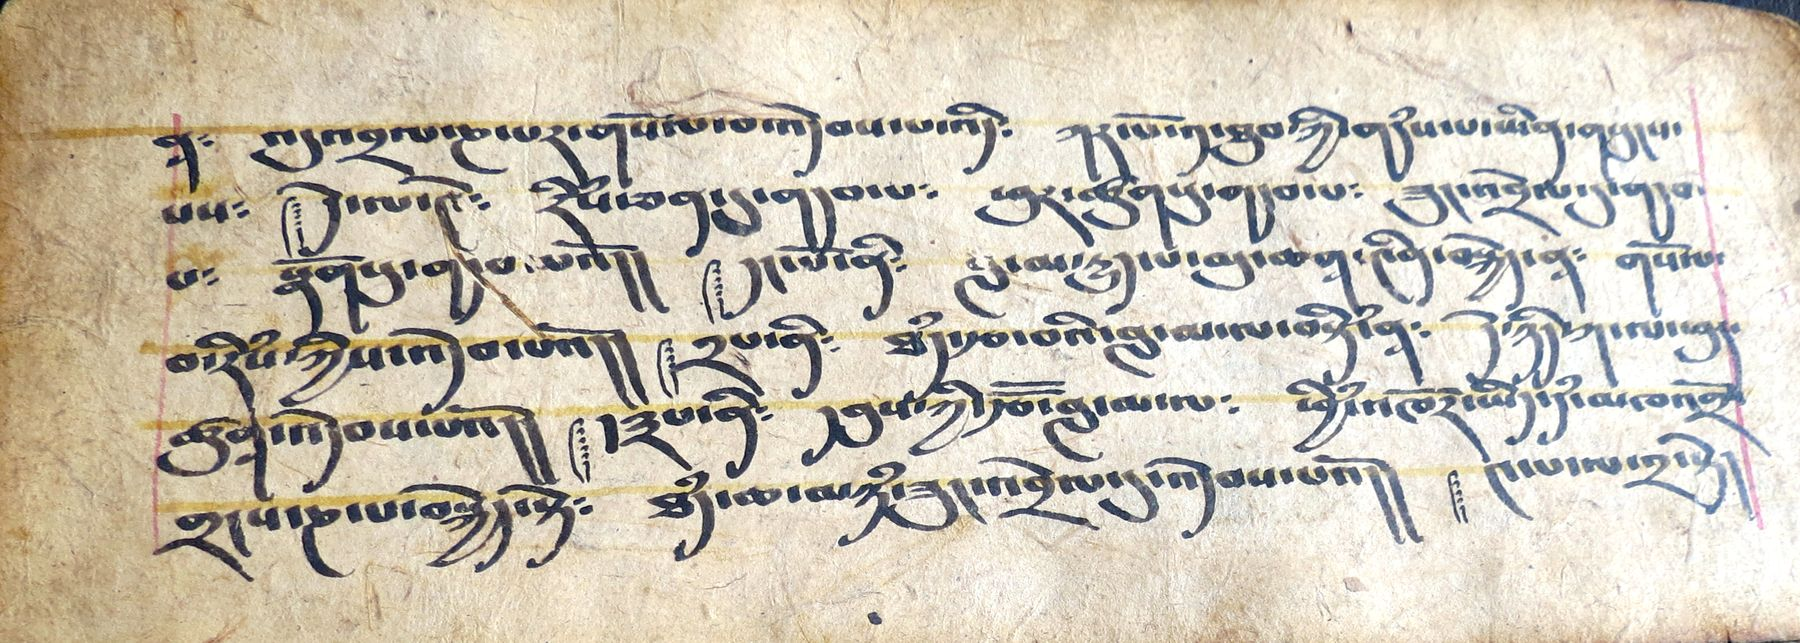ནས། འདུ་འབྲལ་མེད་པར་གསོལ་བ་འདེབས་པ་འདི་ནི་དཀར་པོ་གཅིག་ཐུབ་ཀྱི་སྡོམ་པ་ཡིན་གསུངས་
པས། དེ་ལ་བཞི་སྟེ་རིམ་ཅན་དུ་གདབ་པ། ཕུར་ཚུགས་སུ་གདབ་པ། ཟུང་འབྲེལ་དུ་གདབ་
པ། སྣ་ཚོགས་སུ་གདབ་པའོ། ། དང་པོ་ནི་བླ་མ་བརྒྱུད་པ་མུ་ཆགས་བཞིན་བསྐྱེད་ནས་གསོལ་
བ་རིམ་གྱིས་འདེབས་པའོ། ། གཉིས་པ་ནི་ཐམས་ཅད་རྩ་བའི་བླ་མ་ལ་བསྟིམས་ནས་དེ་ཉིད་ཀ་ལ་ཕུར་
ཚུགས་སུ་འདེབས་པའོ། ། གསུམ་པ་ནི་དབུས་ཀྱི་གཙོ་བོ་བླ་མ་ལ། ཕྱི་རིམ་འཁོར་ཡི་དམ་མཁའ་འགྲོ་
གྲངས་མེད་པ་བསྐྱེད་དེ། ཐམས་ཅད་ཆ་མཉམ་ཟུང་འབྲེལ་དང་འདེབས་པའོ། ། བཞི་པ་ལ་གཉིས་ཏེ།